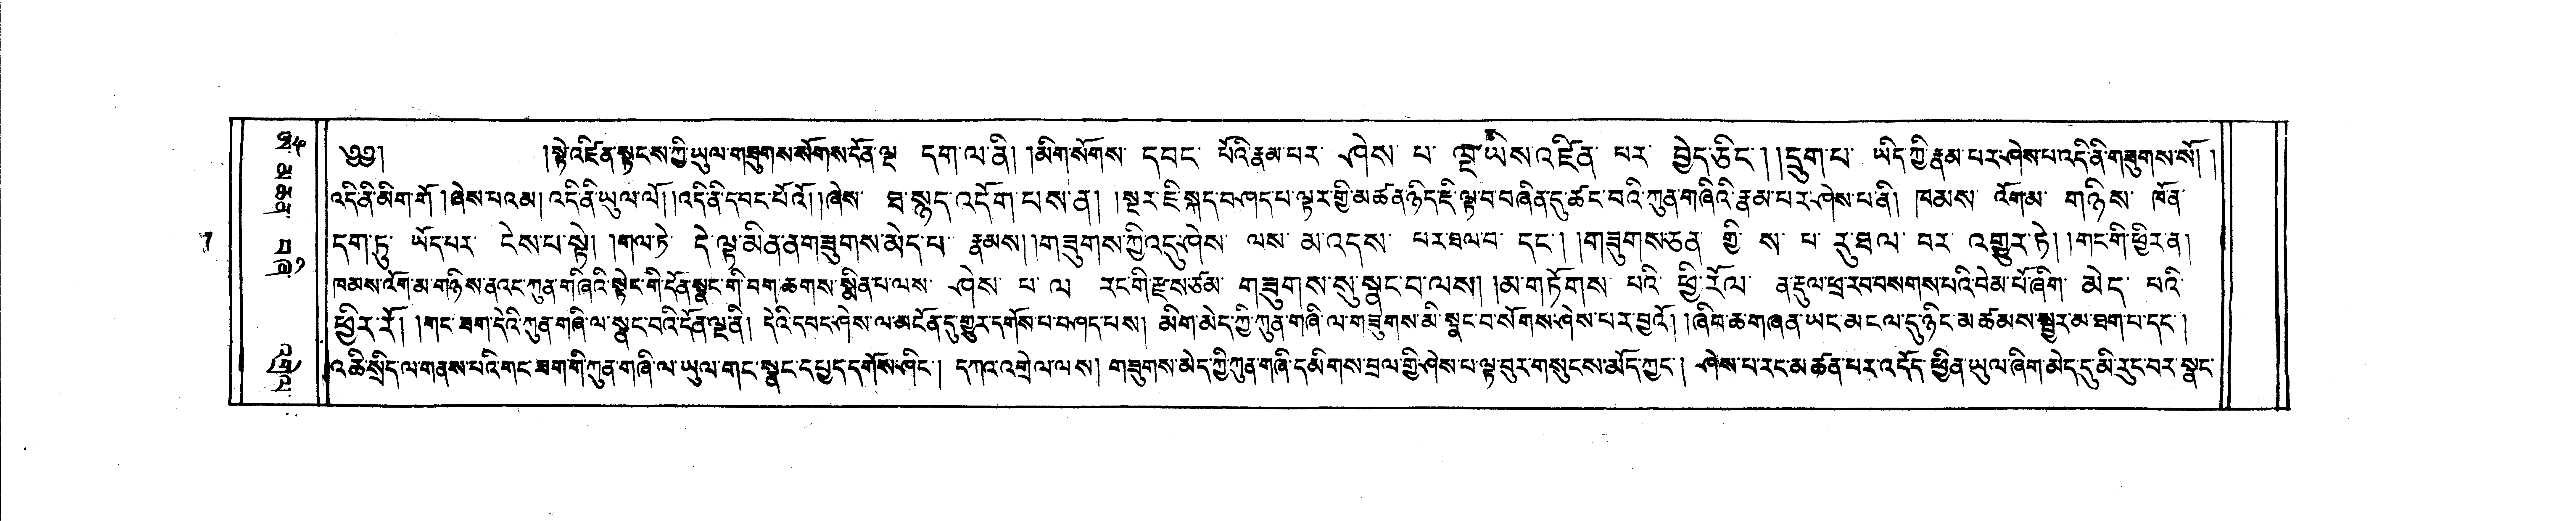༄༅། །སྟེ་འཛིན་སྟངས་ཀྱི་ཡུལ་གཟུགས་སོགས་དོན་ལྔ་དག་ལ་ནི། །མིག་སོགས་དབང་པོའི་རྣམ་པར་ཤེས་པ་ལྔ་ཡིས་འཛིན་པར་བྱེད་ཅིང་། །དྲུག་པ་ཡིད་ཀྱི་རྣམ་པར་ཤེས་པ་འདི་ནི་གཟུགས་སོ། །
འདི་ནི་མིག་གོ །ཞེས་པའམ། འདི་ནི་ཡུལ་ལོ། །འདི་ནི་དབང་པོའོ། །ཞེས་ཐ་སྙད་འདོག་པས་ན། །སྔར་ཇི་སྐད་བཤད་པ་ལྟར་གྱི་མཚན་ཉིད་ཇི་ལྟ་བ་བཞིན་དུ་ཚང་བའི་ཀུན་གཞིའི་རྣམ་པར་ཤེས་པ་ནི། ཁམས་འོག་མ་གཉིས་ཁོ་ན་
དག་ཏུ་ཡོད་པར་ངེས་པ་སྟེ། །གལ་ཏེ་དེ་ལྟ་མིན་ན་གཟུགས་མེད་པ་རྣམས། །གཟུགས་ཀྱི་འདུ་ཤེས་ལས་མ་འདས་པར་ཐལ་བ་དང་། །གཟུགས་ཅན་གྱི་ས་པ་རུ་ཐལ་བར་འགྱུར་ཏེ། །གང་གི་ཕྱིར་ན།
ཁམས་འོག་མ་གཉིས་ནའང་ཀུན་གཞིའི་སྟེང་གི་དོན་སྣང་གི་བག་ཆགས་སྨིན་པ་ལས་ཤེས་པ་ལ་རང་གི་རྫས་ཙམ་གཟུགས་སུ་སྣང་བ་ལས། །མ་གཏོགས་པའི་ཕྱི་རོལ་ན་རྡུལ་ཕྲ་རབ་བསགས་པའི་བེམ་པོ་ཞིག་མེད་པའི་
ཕྱིར་རོ། །གང་ཟག་དེའི་ཀུན་གཞི་ལ་སྣང་བའི་དོན་ལྔ་ནི། དེའི་དབང་ཤེས་ལ་མངོན་དུ་གྱུར་དགོས་པ་བཤད་པས། མིག་མེད་ཀྱི་ཀུན་གཞི་ལ་གཟུགས་མི་སྣང་བ་སོགས་ཤེས་པར་བྱའོ། །ཞིབ་ཆ་གཞན་ཡང་མངལ་དུ་ཉིང་མཚམས་སྦྱར་མ་ཐག་པ་དང་།
འཆི་སྲིད་ལ་གནས་པའི་གང་ཟག་གི་ཀུན་གཞི་ལ་ཡུལ་གང་སྣང་དཔྱད་དགོས་ཤིང་། དཀའ་འགྲེལ་ལས། གཟུགས་མེད་ཀྱི་ཀུན་གཞི་དམིགས་བྲལ་གྱི་ཤེས་པ་ལྟ་བུར་གསུངས་མོད་ཀྱང་། ཤེས་པ་རང་མཚན་པར་འདོད་ཕྱིན་ཡུལ་ཞིག་མེད་དུ་མི་རུང་བར་སྣང་